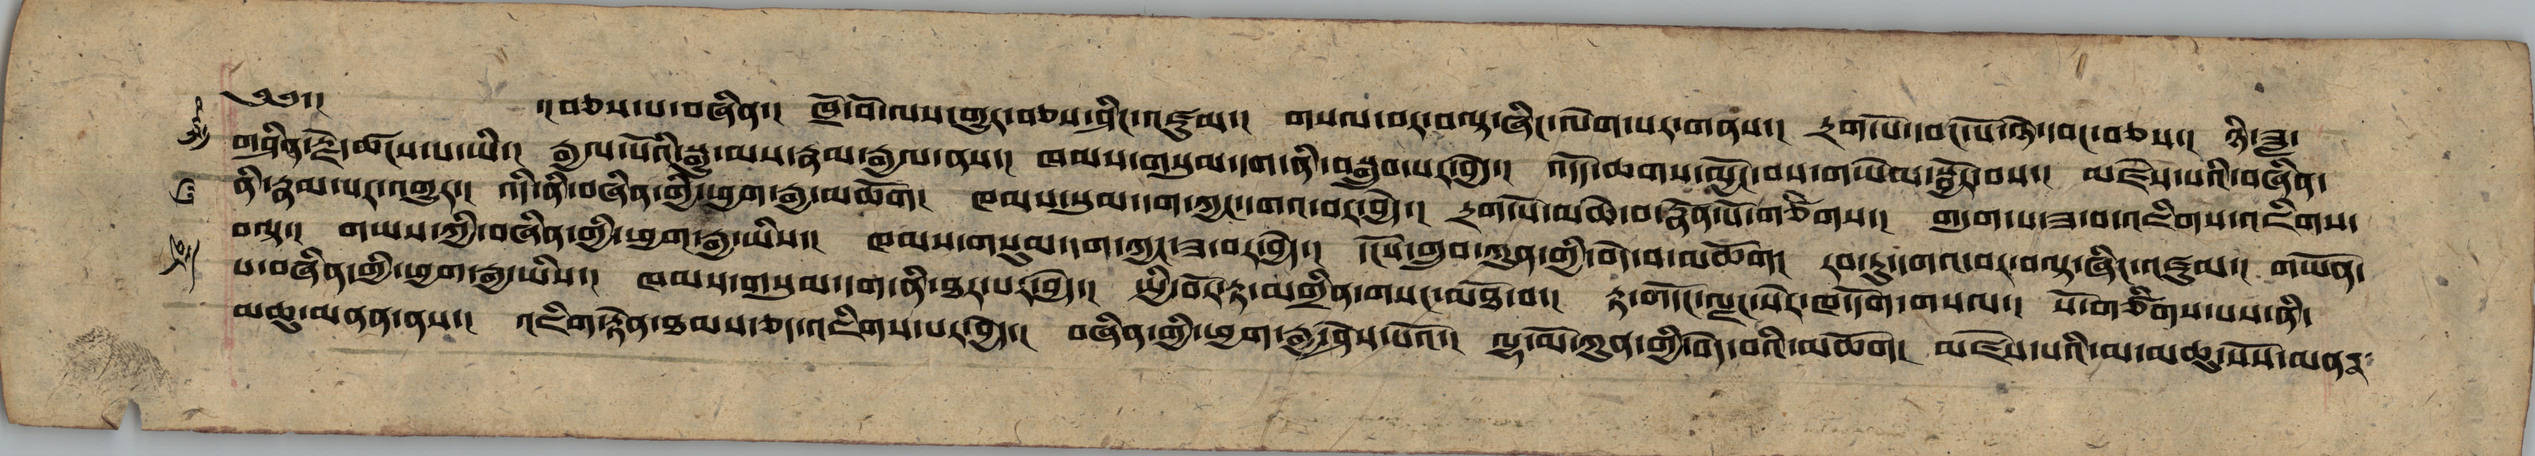༄༅་། ་།བཅས་པ་བཞིན་། ཁྲོ་བོ་ལས་གྱུར་བཅས་ཤིང་འཛུམ་། གསལ་བར་བལྟ་ཞིང་ལེགས་པར་གནས་། དྲག་པོ་དབང་པོ་ཉེ་དབང་བཅས་། ཉི་ཟླ་
གཤིན་རྗེ་ཚངས་པ་ཡིས་། རྒྱལ་པོའི་སྐུ་ལས་རྣམ་རྒྱལ་ནས་། ཁམས་གསུམ་དག་ནི་བསྒྲུབ་པར་བྱེད་། འདོད་ཆགས་མྱོང་བས་གཡེམ་སྦྱོར་བས་། མཛེས་པའི་བཞིན་
ནི་རྣམ་པར་འགྱུར་། འདི་ནི་བཞིན་གྱི་ཕྱག་རྒྱ་མཆོག། ཁམས་གསུམ་དག་ཀྱང་དགའ་བར་བྱེད་། དྲག་པོ་མཆེ་བ་རྣོན་པོ་གཙིགས་། གདུག་པ་ཟ་བ་འཇིགས་འཇིགས་
བལྟ་། གཡས་ཀྱི་བཞིན་གྱི་ཕྱག་རྒྱ་ཡིས་། ཁམས་གསུམ་དག་ཀྱང་ཟ་བར་བྱེད་། དངོས་གྲུབ་ཀུན་གྱི་བདེ་བ་མཆོག། རབ་ཏུ་དགའ་བར་བལྟ་ཞིང་འཛུམ་། གཡོན་
པ་བཞིན་གྱི་ཕྱག་རྒྱ་ཡིས་། ཁམས་གསུམ་དག་ནི་ཐར་པར་བྱེད་། སྤྱི་བོར་རྟ་མགྲིན་གསང་མཐོ་བ་། རྟ་གདོང་ལྗང་སེར་ཁ་དོག་གསལ་། སོ་གཙིགས་པས་ནི་
མཆུ་མནན་ནས་། འཇིག་རྟེན་ཐམས་ཅད་འཇིགས་པར་བྱེད་། བཞིན་གྱི་ཕྱག་རྒྱ་ཤེས་པའོ་། ལྷ་མོ་ཀུན་གྱི་བདེ་བའི་མཆོག། མཛེས་པའི་མ་མཆུ་སོས་མནན་